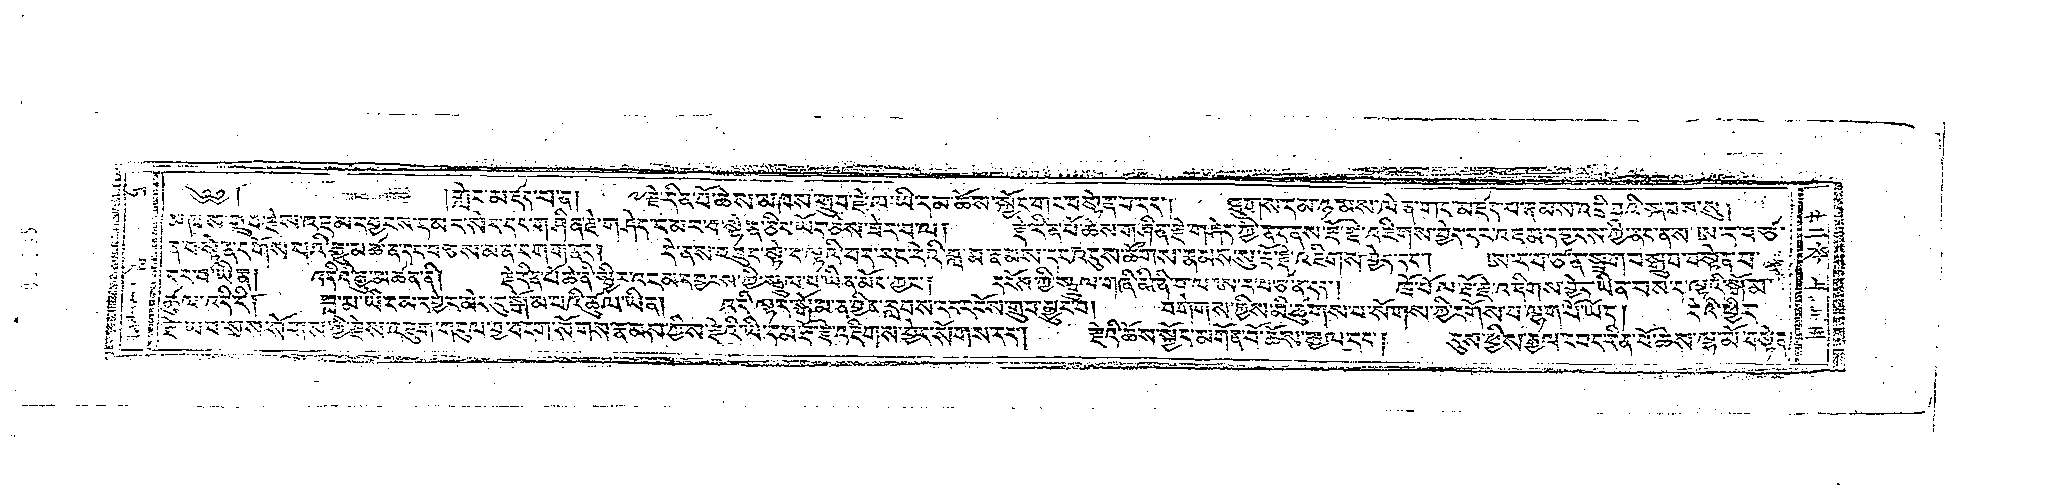༄༅། །གླེང་མཛད་པ་ན། ༧་རྗེ་རིན་པོ་ཆེས་མཁས་གྲུབ་རྗེ་ལ་ཡི་དམ་ཆོས་སྐྱོང་གང་བསྟེན་པ་དང་། ཐུགས་དམ་ཉམས་ལེན་གང་མཛད་པ་རྣམས་འདྲི་བའི་སྐབས་སུ།
མཁས་གྲུབ་རྗེས་འཇམ་དབྱངས་དམར་སེར་དང་གཤིན་རྗེ་གཤེད་དམར་བསྟེན་ཅིང་ཡོད་ཅེས་ཟེར་བ་ལ། །རྗེ་རིན་པོ་ཆེས་གཤིན་རྗེ་གཤེད་ཀྱི་ནང་ནས་རྡོ་རྗེ་འཇིགས་བྱེད་དང་འཇམ་དབྱངས་ཀྱི་ནང་ནས་ཨ་ར་པ་ཙ་
ན་བསྟེན་དགོས་པའི་རྒྱུ་མཚན་དང་བཅས་མན་ངག་གནང་། དེ་ནས་བཟུང་སྟེ་ད་ལྟའི་བར་རང་རེའི་བླ་མ་རྣམས་དང་འདུས་ཚོགས་རྣམས་སུ་རྡོ་རྗེ་འཇིགས་བྱེད་དང་། ཨ་ར་པ་ཙ་ན་སྦྲག་བསྒྲུབ་བསྟེན་པ་
དང་བ་ཡིན། འདིའི་རྒྱུ་མཚན་ནི། རྗེ་རིན་པོ་ཆེ་ནི་སྤྱིར་འཇམ་དབྱངས་ཀྱི་སྤྲུལ་པ་ཡིན་མོད་ཀྱང་། དངོས་ཀྱི་སྤྲལ་གཞི་ནི་ཞི་བ་ལ་ཨ་ར་པ་ཙན་དང་། ཁྲོ་བོ་ལ་རྡོ་རྗེ་འཇིགས་བྱེད་ཡིན་པས་ད་ལྟའི་སྒོམ་
ཚུལ་འདི་ནི། བླ་མ་ཡི་དམ་དབྱེར་མེད་དུ་སྒོམ་པའི་ཚུལ་ཡིན། འདི་ལྟར་སྒོམ་ན་བྱིན་རླབས་དང་དངོས་གྲུབ་མྱུར་བ། བགེགས་ཀྱིས་མི་ཚུགས་པ་སོགས་ཀྱི་དགོས་པ་ལྷག་པོ་ཡོད། དེའི་ཕྱིར་
རྗེ་ཡབ་སྲས་སོགས་ཀྱི་རྗེས་འཇུག་གདུལ་བྱ་བདག་སོགས་རྣམས་ཀྱིས་རྗེའི་ཡི་དམ་རྡོ་རྗེ་འཇིགས་བྱེད་སོགས་དང་། རྗེའི་ཆོས་སྤྱོད་མགོན་པོ་ཆོས་རྒྱལ་དང་། དུས་ཕྱིས་རྒྱལ་དབང་རིན་པོ་ཆེས་ལྷ་མོ་བསྟེན་